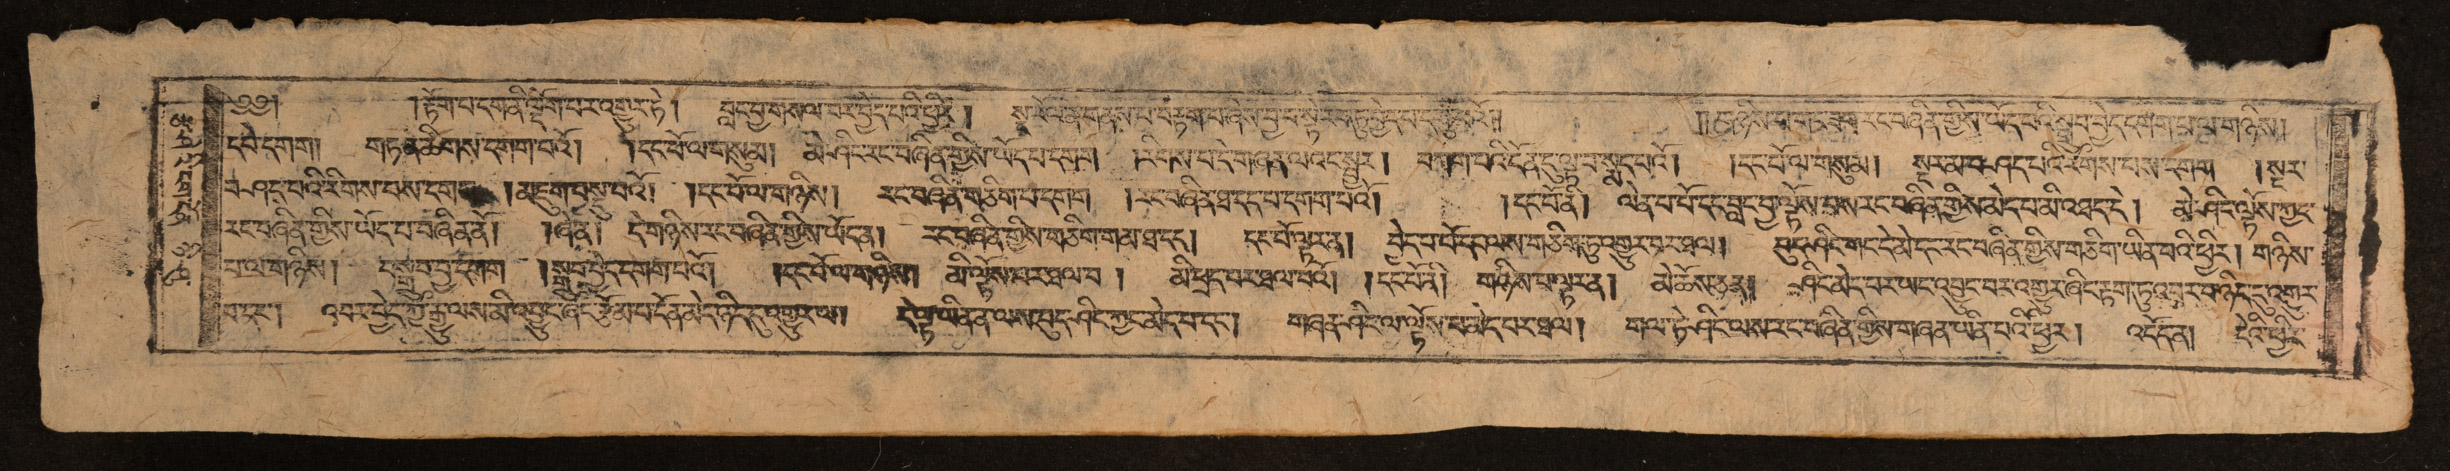༄༅། །རྟོག་པ་དག་ནི་ལྡོག་པར་འགྱུར་ཏེ། བླང་བྱ་གསལ་བར་བྱེད་པའི་ཕྱིར། སྔ་རོལ་ན་གནས་པ་བརྟག་པ་ཞེས་བྱ་བ་སྟེ་རབ་ཏུ་བྱེད་པ་དགུ་པའོ།། །།གཉིས་པ་གང་ཟག་རང་བཞིན་གྱིས་ཡོད་པའི་སྒྲུབ་བྱེད་དགག་པ་ལ་གཉིས།
དཔེ་དགག། གཏན་ཚིགས་དགག་པའོ། །དང་པོ་ལ་གསུམ། མེ་ཤིང་རང་བཞིན་གྱིས་ཡོད་པ་དགག །རིགས་པ་དེ་གཞན་ལའང་སྦྱར། བཀག་པའི་དོན་དུ་ལྟ་བ་སྨད་པའོ། །དང་པོ་ལ་གསུམ། སྔར་མ་བཤད་པའི་རིགས་པས་དགག །སྔར་
བཤད་པའི་རིགས་པས་དགག །མཇུག་བསྡུ་བའོ། །དང་པོ་ལ་གཉིས། རང་བཞིན་གཅིག་པ་དགག །རང་བཞིན་ཐ་དད་པ་དགག་པའོ། །དང་པོ་ནི། ལེན་པ་པོ་དང་བླང་བྱ་ལྟོས་པས་རང་བཞིན་གྱིས་མེད་པ་མི་འཐད་དེ། མེ་ཤིང་ལྟོས་ཀྱང་
རང་བཞིན་གྱིས་ཡོད་པ་བཞིན་ནོ། །ཞེ་ན། དེ་གཉིས་རང་བཞིན་གྱིས་ཡོད་ན། རང་བཞིན་གྱིས་གཅིག་གམ་ཐ་དད། དང་པོ་ལྟར་ན། བྱེད་པ་པོ་དང་ལས་གཅིག་ཏུ་འགྱུར་བར་ཐལ། བུད་ཤིང་གང་དེ་མེ་དང་རང་བཞིན་གྱིས་གཅིག་ཡིན་པའི་ཕྱིར། གཉིས་
པ་ལ་གཉིས། བསྒྲུབ་བྱ་དགག །སྒྲུབ་བྱེད་དགག་པའོ། །དང་པོ་ལ་གཉིས། མི་ལྟོས་པར་ཐལ་བ། མི་ཕྲད་པར་ཐལ་བའོ། །དང་པོ་ནི། གཉིས་པ་ལྟར་ན། མེ་ཆོས་ཅན། ཤིང་མེད་པར་ཡང་འབྱུང་བར་འགྱུར་ཞིང་རྟག་ཏུ་འབར་བ་ཉིད་དུ་འགྱུར་
བ་དང་། འབར་བྱེད་ཀྱི་རྒྱུ་ལས་མི་འབྱུང་ཞིང་རྩོམ་པ་དོན་མེད་ཉིད་དུ་འགྱུར་ལ། དེ་ལྟ་ཡིན་ན་ལས་བུད་ཤིང་ཀྱང་མེད་པ་དང་། གཞན་ཤིང་ལ་ལྟོས་པ་མེད་པར་ཐལ། གལ་ཏེ་ཤིང་ལས་རང་བཞིན་གྱིས་གཞན་ཡིན་པའི་ཕྱིར། འདོད་ན། དེའི་ཕྱིར་